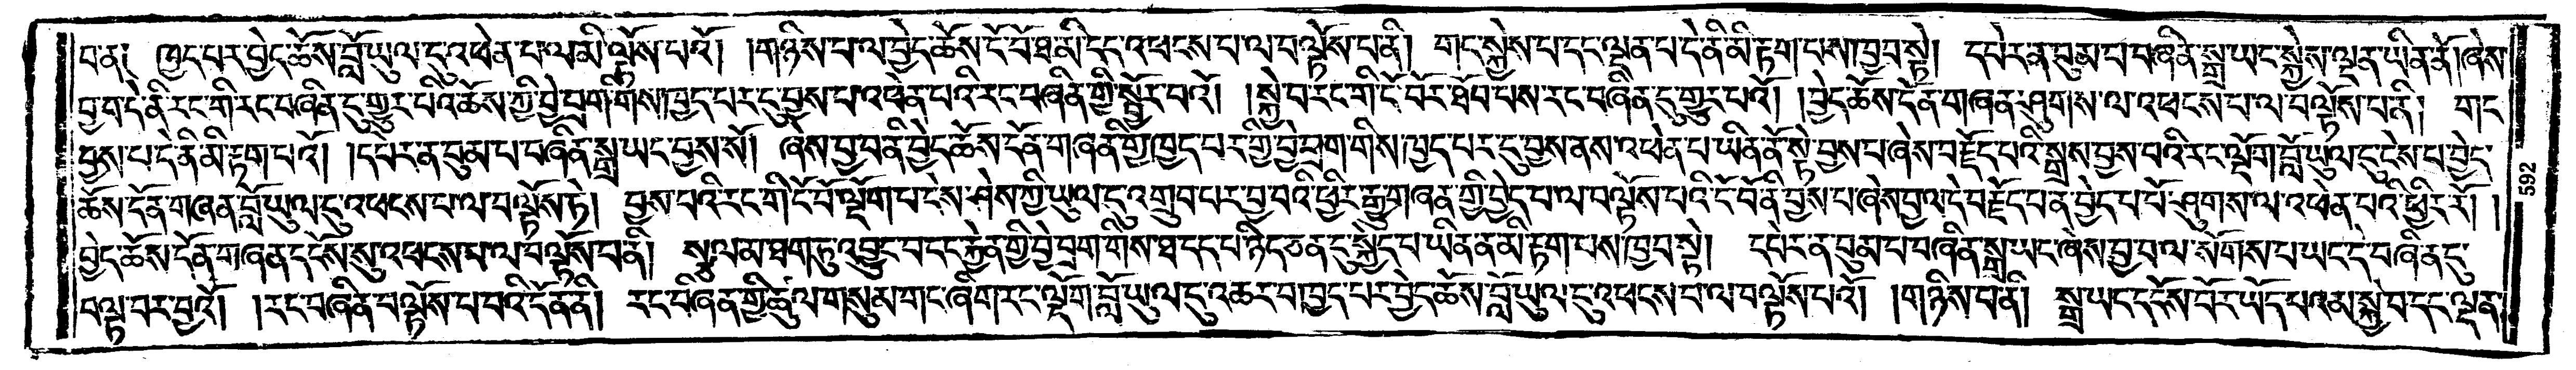བ་ན༑ ཁྱད་པར་བྱེད་ཆོས་བློ་ཡུལ་དུ་འཕེན་པ་ལ་མི་ལྟོས་པའོ། །གཉིས་པ་ལ་བྱེད་ཆོས་ངོ་བོ་ཐ་མི་དད་འཕངས་པ་ལ་བལྟོས་པ་ནི། གང་སྐྱེས་པ་དང་ལྡན་པ་དེ་ནི་མི་རྟག་པས་ཁྱབ་སྟེ། དཔེར་ན་བུམ་པ་བཞིན་སྒྲ་ཡང་སྐྱེས་ལྡན་ཡིན་ནོ། །ཞེས་
བྱ་བ་དེ་ནི་རང་གི་རང་བཞིན་དུ་གྱུར་པའི་ཆོས་ཀྱི་བྱེ་བྲག་གིས་ཁྱད་པར་དུ་བྱས་པ་འཕེན་པའི་རང་བཞིན་གྱི་སྦྱོར་བའོ། །སྐྱེ་བ་རང་གི་ངོ་བོར་ཐོབ་པས་རང་བཞིན་དུ་གྱུར་པའོ། །བྱེད་ཆོས་དོན་གཞན་ཤུགས་ལ་འཕངས་པ་ལ་བལྟོས་པ་ནི། གང་
བྱས་པ་དེ་ནི་མི་རྟག་པའོ། །དཔེར་ན་བུམ་པ་བཞིན་སྒྲ་ཡང་བྱས་སོ། ཞེས་བྱ་བ་ནི་བྱེད་ཆོས་དོན་གཞན་གྱི་ཁྱད་པར་གྱི་བྱེ་བྲག་གིས་ཁྱད་པར་དུ་བྱས་ནས་འཕེན་པ་ཡིན་ནོ་སྟེ་བྱས་པ་ཞེས་བརྗོད་པའི་སྒྲས་བྱས་པའི་རང་ལྡོག་བློ་ཡུལ་དུ་ངེས་པ་བྱེད་
ཆོས་དོན་གཞན་བློ་ཡུལ་དུ་འཕངས་པ་ལ་བལྟོས་ཏེ། བྱས་པའི་རང་གི་ངོ་བོ་ལྡོག་པ་ངེས་ཤེས་ཀྱི་ཡུལ་དུ་འགྲུབ་པར་བྱ་བའི་ཕྱིར་རྒྱུ་གཞན་གྱི་བྱེད་པ་ལ་བལྟོས་པའི་ངོ་བོ་ནི་བྱས་པ་ཞེས་བྱ་ལ་དེ་བརྗོད་པ་ན་བྱེད་པ་པོ་ཤུགས་ལ་འཕེན་པའི་ཕྱིར་རོ། །
བྱེད་ཆོས་དོན་གཞན་དངོས་སུ་འཕངས་པ་ལ་བལྟོས་པ་ནི། སྩལ་མ་ཐག་ཏུ་འབྱུང་བ་དང་རྐྱེན་གྱི་བྱེ་བྲག་གིས་ཐ་དད་པ་ཉིད་ཅན་དུ་སྐྱེད་པ་ཡིན་ན་མི་རྟག་པས་ཁྱབ་སྟེ། དཔེར་ན་བུམ་པ་བཞིན་སྒྲ་ཡང་ཞེས་བྱ་བ་ལ་སོགས་པ་ཡང་དེ་བཞིན་དུ་
བལྟ་བར་བྱའོ། །རང་བཞིན་བལྟོས་པ་པའི་དོན་ནི། རང་བཞིན་གྱི་ཚུལ་གསུམ་གང་ཞིག་རང་ལྡོག་བློ་ཡུལ་དུ་འཆར་བ་ཁྱད་པར་བྱེད་ཆོས་བློ་ཡུལ་དུ་འཕངས་པ་ལ་བལྟོས་པའོ། །གཉིས་པ་ནི། སྒྲ་ཡང་དངོས་པོར་ཡོད་པའམ་སྐྱེ་བ་དང་ལྡན་